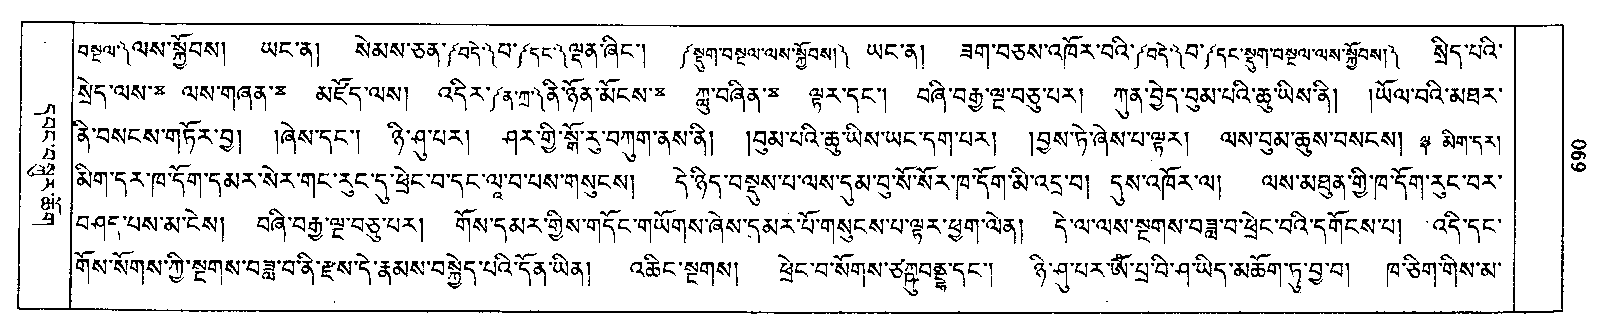བསྔལ྄་ལས་སྐྱོབས། ཡང་ན། སེམས་ཅན ༼བད྄ེ་བ་༽དང྄་ལྡན་ཞིང་། ༼སྡུག་བསྔལ་ལས་སྐྱོབས།?་ཡང་ན། ཟག་བཅས་འཁོར་བའི་༽བད྄ེ་བ་དང་སྡུག་བསྔལ་ལས་སྐྱོབས།?་སྲིད་པའི་
སྲེད་ལས་྾་ལས་གཞན་྾་མཛོད་ལས། འདིར་ན་ཀྲ྄་ནི་ཉོན་མོངས་྾་ཀླུ་བཞིན་྾་ལྟར་དང་། བཞི་བརྒྱ་ལྔ་བཅུ་པར། ཀུན་བྱེད་བུམ་པའི་ཆུ་ཡིས་ནི། །ཡོལ་བའི་མཐར་
ནི་བསངས་གཏོར་བྱ། །ཞེས་དང་། ཉི་ཤུ་པར། ཤར་གྱི་སྒོ་རུ་བཀུག་ནས་ནི། །བུམ་པའི་ཆུ་ཡིས་ཡང་དག་པར། །བྱས་ཏེ་ཞེས་པ་ལྟར། ལས་བུམ་ཆུས་བསངས། ༈ མིག་དར།
མིག་དར་ཁ་དོག་དམར་སེར་གང་རུང་དུ་ཕྲེང་བ་དང་ལཱ་བ་པས་གསུངས། དེ་ཉིད་བསྡུས་པ་ལས་དུམ་བུ་སོ་སོར་ཁ་དོག་མི་འདྲ་བ། དུས་འཁོར་ལ། ལས་མཐུན་གྱི་ཁ་དོག་རུང་བར་
བཤད་པས་མ་ངེས། བཞི་བརྒྱ་ལྔ་བཅུ་པར། གོས་དམར་གྱིས་གདོང་གཡོགས་ཞེས་དམར་པོ་གསུངས་པ་ལྟར་ཕྱག་ལེན། དེ་ལ་ལས་སྔགས་བཟླ་བ་ཕྲེང་བའི་དགོངས་པ། འདི་དང་
གོས་སོགས་ཀྱི་སྔགས་བཟླ་བ་ནི་རྫས་དེ་རྣམས་བསྐྱེད་པའི་དོན་ཡིན། འཆིང་སྔགས། ཕྲེང་བ་སོགས་ཙཀྵུ་བནྡྷ་དང་། ཉི་ཤུ་པར་ཨོཾ་པྲ་བི་ཤ་ཡིད་མཆོག་ཏུ་བྱ་བ། ཁ་ཅིག་གིས་མ་